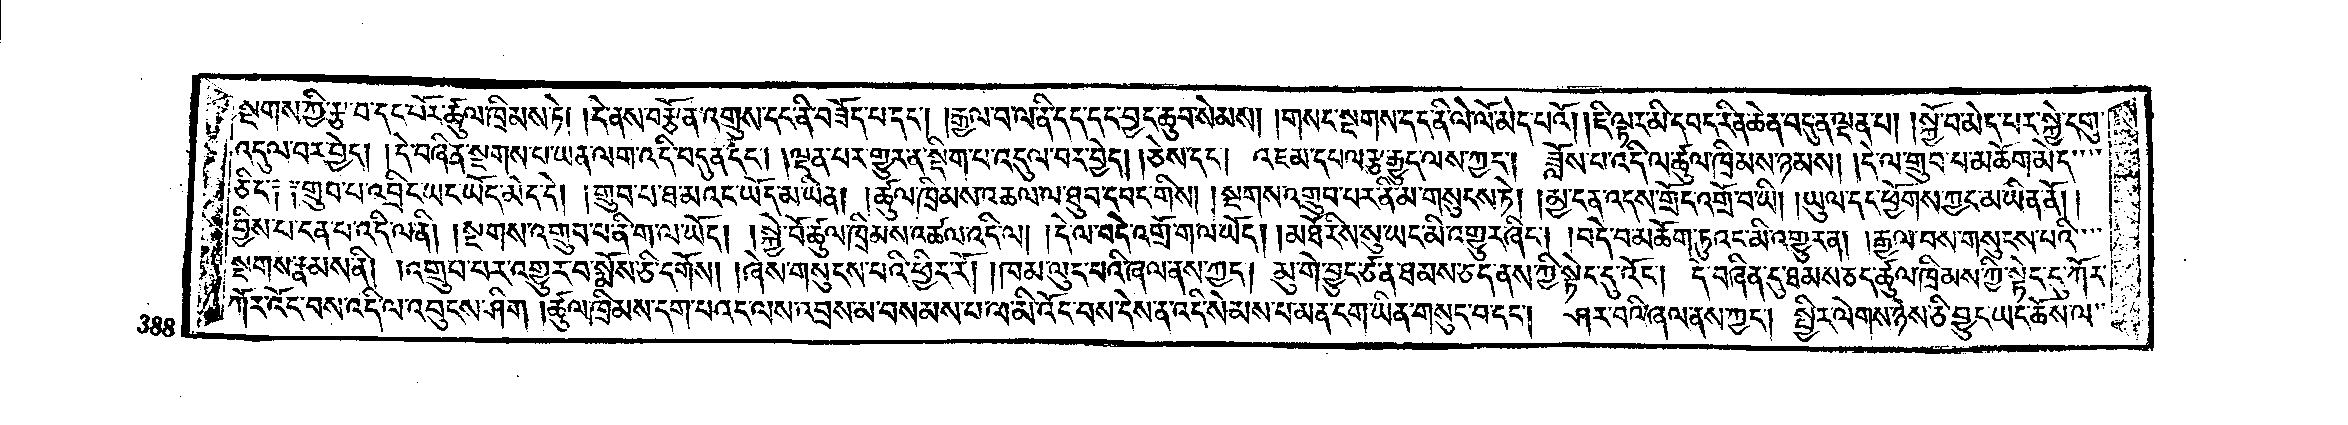སྔགས་ཀྱི་རྩ་བ་དང་པོར་ཚུལ་ཁྲིམས་ཏེ། །དེ་ནས་བརྩོན་འགྲུས་དང་ནི་བཟོད་པ་དང་། །རྒྱལ་བ་ལ་ནི་དད་དང་བྱང་ཆུབ་སེམས། །གསང་སྔགས་དང་ནི་ལེ་ལོ་མེད་པའོ། །ཇི་ལྟར་མི་དབང་རིན་ཆེན་བདུན་ལྡན་པ། །སྐྱོ་བ་མེད་པར་སྐྱེ་དགུ་
འདུལ་བར་བྱེད། །དེ་བཞིན་སྔགས་པ་ཡན་ལག་འདི་བདུན་དང་། །ལྡན་པར་གྱུར་ན་སྡིག་པ་འདུལ་བར་བྱེད། །ཅེས་དང་། འཇམ་དཔལ་རྩ་རྒྱུད་ལས་ཀྱང་། ཟློས་པ་འདི་ལ་ཚུལ་ཁྲིམས་ཉམས། །དེ་ལ་གྲུབ་པ་མཆོག་མེད་
ཅིང༑ ༑གྲུབ་པ་འབྲིང་ཡང་ཡོད་མེད་དེ། །གྲུབ་པ་ཐ་མའང་ཡོད་མ་ཡིན། །ཚུལ་ཁྲིམས་འཆལ་ལ་ཐུབ་དབང་གིས། །སྔགས་འགྲུབ་པར་ནི་མ་གསུངས་ཏེ། །མྱ་ངན་འདས་གྲོང་འགྲོ་བ་ཡི། །ཡུལ་དང་ཕྱོགས་ཀྱང་མ་ཡིན་ནོ། །
བྱིས་པ་ངན་པ་འདི་ལ་ནི། །སྔགས་འགྲུབ་པ་ནི་ག་ལ་ཡོད། །སྐྱེ་བོ་ཚུལ་ཁྲིམས་འཆལ་འདི་ལ། །དེ་ལ་བདེ་འགྲོ་ག་ལ་ཡོད། །མཐོ་རིས་སུ་ཡང་མི་འགྱུར་ཞིང་། །བདེ་བ་མཆོག་ཏུའང་མི་འགྱུར་ན། །རྒྱལ་བས་གསུངས་པའི་
སྔགས་རྣམས་ནི། །འགྲུབ་པར་འགྱུར་བ་སྨོས་ཅི་དགོས། །ཞེས་གསུངས་པའི་ཕྱིར་རོ། །ཁམ་ལུང་པའི་ཞལ་ནས་ཀྱང་། མུ་གེ་བྱུང་ཙ་ན་ཐམས་ཅད་ནས་ཀྱི་སྟེང་དུ་འོང་། དེ་བཞིན་དུ་ཐམས་ཅད་ཚུལ་ཁྲིམས་ཀྱི་སྟེང་དུ་ཀོར་
ཀོར་འོང་བས་འདི་ལ་འཕུངས་ཤིག །ཚུལ་ཁྲིམས་དག་པའང་ལས་འབྲས་མ་བསམས་པ་ལ་མི་འོང་བས་དེས་ན་འདི་སེམས་པ་མན་ངག་ཡིན་གསུང་བ་དང་། ཤ་ར་བའི་ཞལ་ནས་ཀྱང་། སྤྱིར་ལེགས་ཉེས་ཅི་བྱུང་ཡང་ཆོས་ལ་